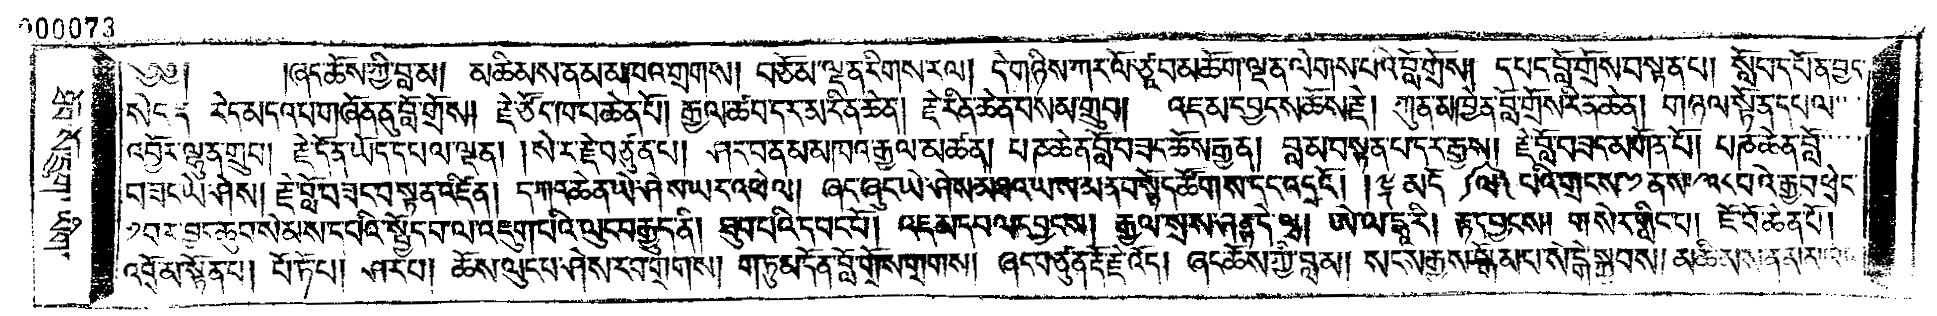༄༅། །ཞང་ཆོས་ཀྱི་བླ་མ། མཆིམས་ནམ་མཁའ་གྲགས། བཅོམ་ལྡན་རིགས་རལ། དེ་གཉིས་ཀར་ལོ་ཙཱ་བ་མཆོག་ལྡན་ལེགས་པའི་བློ་གྲོས། དཔང་བློ་གྲོས་བསྟན་པ། སློབ་དཔོན་བྱང་
སེང༑ རེད་མདའ་པ་གཞོན་ནུ་བློ་གྲོས། རྗེ་ཙོང་ཁ་པ་ཆེན་པོ། རྒྱལ་ཚབ་དར་མ་རིན་ཆེན། རྗེ་རིན་ཆེན་བསམ་གྲུབ། འཇམ་དབྱངས་ཆོས་རྗེ། ཀུན་མཁྱེན་བློ་གྲོས་རིན་ཆེན། གཉལ་སྟོན་དཔལ་
འབྱོར་ལྷུན་གྲུབ། རྗེ་དོན་ཡོད་དཔལ་ལྡན། །སེ་ར་རྗེ་བཙུན་པ། ཤར་བ་ནམ་མཁའ་རྒྱལ་མཚན། པཎ་ཆེན་བློ་བཟང་ཆོས་རྒྱན། བླ་མ་བསྟན་པ་དར་རྒྱས། རྗེ་བློ་བཟང་མགོན་པོ། པཎ་ཆེན་བློ་
བཟང་ཡེ་ཤེས། རྗེ་བློ་བཟང་བསྟན་འཛིན། དཀའ་ཆེན་ཡེ་ཤེས་ཡར་འཕེལ། ཞང་ཞུང་ཡེ་ཤེས་མཐའ་ཡས་མན་བསྟོད་ཚོགས་དང་འདྲའོ། །༈ མདོ ༼ལ༽ པའི་གྲངས ༩་ནས ༡༩༨?་པའི་རྒྱབ་ཕྲེང་
༩བར་བྱང་ཆུབ་སེམས་དཔའི་སྤྱོད་པ་ལ་འཇུག་པའི་ལུང་བརྒྱུད་ནི། ཐུབ་པའི་དབང་པོ། འཇམ་དཔལ་དབྱངས། རྒྱལ་སྲས་ཤནྟ་དེ་ལྭ། ཨེ་ལ་དྷཱ་རི། རྟ་དབྱངས། གསེར་གླིང་པ། ཇོ་བོ་ཆེན་པོ།
འབྲོ་མ་སྟོན་པ། པོ་ཏོ་པ། ཤ་ར་པ། ཆོས་ལུང་པ་ཤེས་རབ་གྲགས། ག་ཏུ་མ་དོན་བློ་གྲོས་གྲགས། ཞང་བཙུན་རྡོ་རྗེ་འོད། ཞང་ཆོས་ཀྱི་བླ་མ། སངས་རྒྱས་སྒོམ་པ་སེངྒེ་སྐྱབས། མཆི་མས་ནམ་མཁའ་